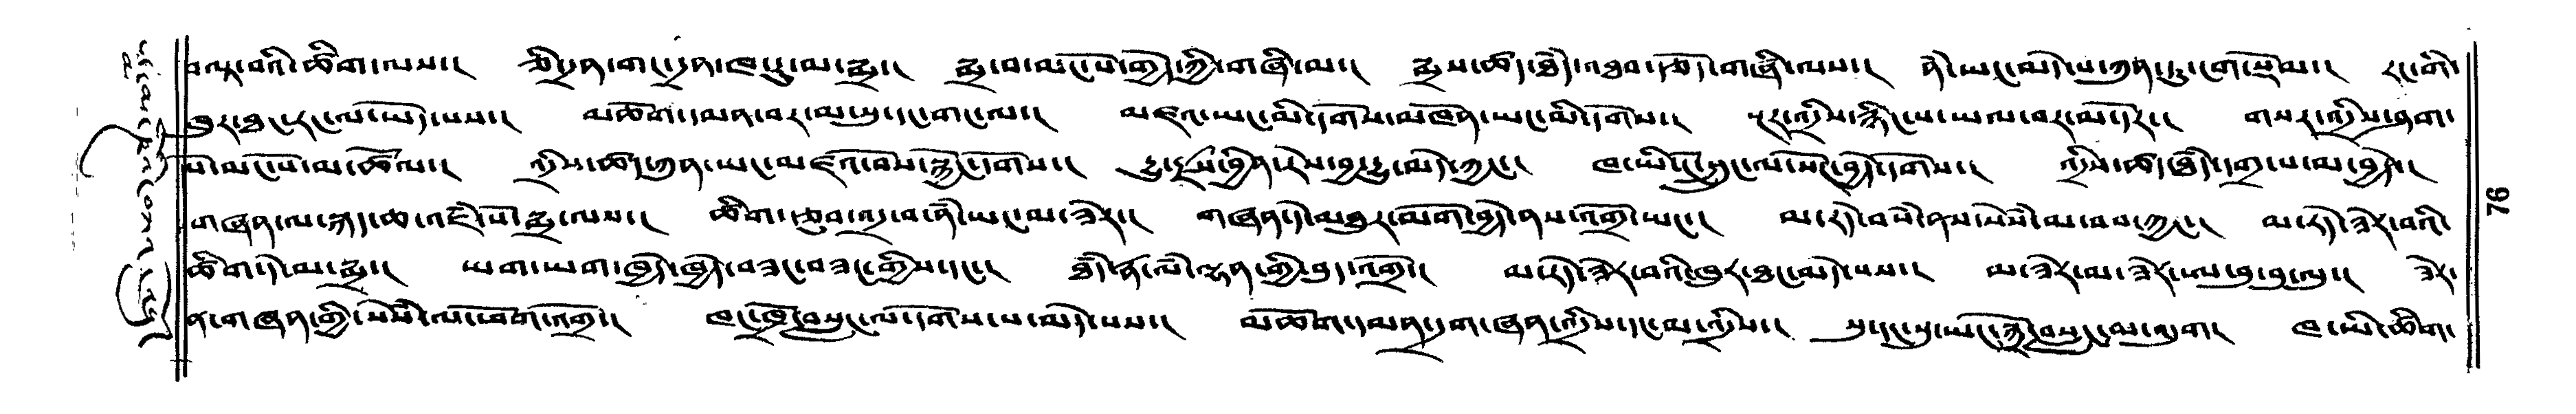བལྟ་བའི་ཚིག་ལས། །ཅི་དྲན་གང་དྲན་ཁ་རུ་མ་སྨྲ། །སྨྲ་བ་མང་པོ་གྱོད་ཀྱི་གཞི་མ། །སྨྲས་ཚད་ཐམས་ཅད་རྩོད་པའི་གཞི་ལས། །ནམ་ཡང་མེད་པ་ཀུན་ཏུ་ངག་སྡོམས། །རང་གི་
ཁུར་ཐང་རང་ལ་ཡོད་པས། །མཆོག་དམན་བར་མ་སུ་དང་གང་ལ། །མཛའ་ཡང་མི་དགོས་འཁོན་ཡང་མི་དགོས། །སྔར་འདྲིས་རྙིང་པ་ཡལ་བར་མ་དོར། །གསར་འདྲིས་ཤག་
པོ་མང་པོ་མ་ཚོལ། །འདྲིས་ཚད་ཀུན་ཡང་མཛའ་བོས་སྐྱོང་དགོས། །རྒྱུ་རྫས་བྱིན་རེས་བྱ་རྒྱུ་མེད་ཀྱང་། ཁ་ཡི་ངོ་སྲུང་ལ་སོགས་བྱེད་དགོས། །འདྲིས་ཚད་ཐམས་ཅད་གྲོགས་པོ་མ་བྱེད། །
གཞན་ལ་སྐད་ཆ་འཇམ་པོ་སྨྲ་ལས། །ཚིག་རྩུབ་འདྲ་བ་ནམ་ཡང་མ་ཟེར། །གཞན་དེ་མཐུར་མགོ་བྱེད་ནས་འགྲོ་ཡང་། །མ་རེད་བསམ་ནས་སེམས་མ་བབ་ཀྱང་། །མ་རེད་ཟེར་བའི་
ཚིག་དེ་མ་སྨྲ། །ཡག་ཡག་ཁྱོད་ཁྱོད་བཟང་བཟང་གྱིས་དང་། །ཐམས་ཅད་རྣ་ལམ་ལྷན་གྱི་བུད་འགྲོ། །མ་རེད་ཟེར་བའི་ཁུར་ཐང་མེད་པས། །མ་ཟེར་མ་ཟེར་ཨ་བུ་བུ་ལུ། །ཟེར་
ན་གཞན་གྱི་སེམས་ལ་ཕོག་འགྲོ། །ཁོང་ཁྲོ་སློང་ལ་དགོས་པ་མེད་པས། །མཆོག་དམན་དྲག་ཞན་འདྲིས་དང་མ་འདྲིས། །སུ་དང་སུ་ཡང་སྤྲོ་ལངས་མ་འཇུག ཁ་ཡི་ཚིག་